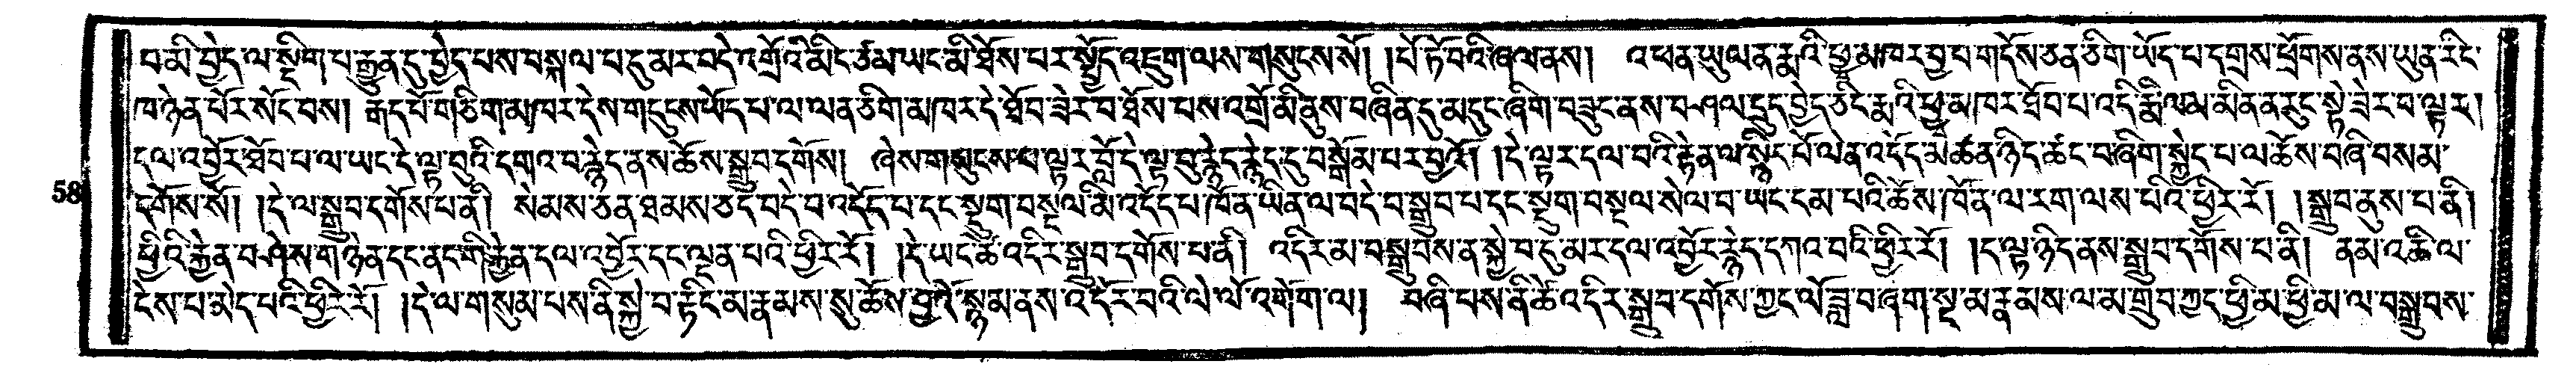བ་མི་བྱེད་ལ་སྡིག་པ་རྒྱུན་དུ་བྱེད་པས་བསྐལ་པ་དུ་མར་བདེ་འགྲོའི་མིང་ཙམ་ཡང་མི་ཐོས་པར་སྤྱོད་འཇུག་ལས་གསུངས་སོ། །པོ་ཏོ་བའི་ཞལ་ནས། འཕན་ཡུལ་ན་རྨའི་ཕྱྭ་མཁར་བྱ་བ་གདོས་ཅན་ཅིག་ཡོད་པ་དགྲས་ཕྲོགས་ནས་ཡུན་རིང་
ཁ་ཉེན་པོར་སོང་བས། རྒད་པོ་གཅིག་མཁར་དེས་གདུངས་ཡོད་པ་ལ་ལན་ཅིག་མཁར་དེ་ཐོབ་ཟེར་བ་ཐོས་པས་འགྲོ་མི་ནུས་བཞིན་དུ་མདུང་ཞིག་བཟུང་ནས་བཤལ་དྲུད་བྱེད་ཅིང་རྨའི་ཕྱྭ་མཁར་ཐོབ་པ་འདི་རྨི་ལམ་མིན་ན་རུང་སྟེ་ཟེར་བ་ལྟར།
དལ་འབྱོར་ཐོབ་པ་ལ་ཡང་དེ་ལྟ་བུའི་དགའ་བ་རྙེད་ནས་ཆོས་སྒྲུབ་དགོས། ཞེས་གསུངས་པ་ལྟར་བློ་དེ་ལྟ་བུ་རྙེད་རྙེད་དུ་བསྒོམ་པར་བྱའོ། །དེ་ལྟར་དལ་བའི་རྟེན་ལ་སྙིང་པོ་ལེན་འདོད་མཚན་ཉིད་ཚང་བ་ཞིག་སྐྱེད་པ་ལ་ཆོས་བཞི་བསམ་
དགོས་སོ། །དེ་ལ་སྒྲུབ་དགོས་པ་ནི། སེམས་ཅན་ཐམས་ཅད་བདེ་བ་འདོད་པ་དང་སྡུག་བསྔལ་མི་འདོད་པ་ཁོ་ན་ཡིན་ལ་བདེ་བ་སྒྲུབ་པ་དང་སྡུག་བསྔལ་སེལ་བ་ཡང་དམ་པའི་ཆོས་ཁོ་ན་ལ་རག་ལས་པའི་ཕྱིར་རོ། །སྒྲུབ་ནུས་པ་ནི།
ཕྱིའི་རྐྱེན་བཤེས་གཉེན་དང་ནང་གི་རྐྱེན་དལ་འབྱོར་དང་ལྡན་པའི་ཕྱིར་རོ། །དེ་ཡང་ཚེ་འདིར་སྒྲུབ་དགོས་པ་ནི། འདིར་མ་བསྒྲུབས་ན་སྐྱེ་བ་དུ་མར་དལ་འབྱོར་རྙེད་དཀའ་བའི་ཕྱིར་རོ། །ད་ལྟ་ཉིད་ནས་སྒྲུབ་དགོས་པ་ནི། ནམ་འཆི་ལ་
ངེས་པ་མེད་པའི་ཕྱིར་རོ། །དེ་ལ་གསུམ་པས་ནི་སྐྱེ་བ་རྟིང་མ་རྣམས་སུ་ཆོས་བྱའོ་སྙམ་ནས་འདོར་བའི་ལེ་ལོ་འགོག་ལ། བཞི་པས་ནི་ཚེ་འདིར་སྒྲུབ་དགོས་ཀྱང་ལོ་ཟླ་བ་ཞག་སྔ་མ་རྣམས་ལ་མ་གྲུབ་ཀྱང་ཕྱི་མ་ཕྱི་མ་ལ་བསྒྲུབས་